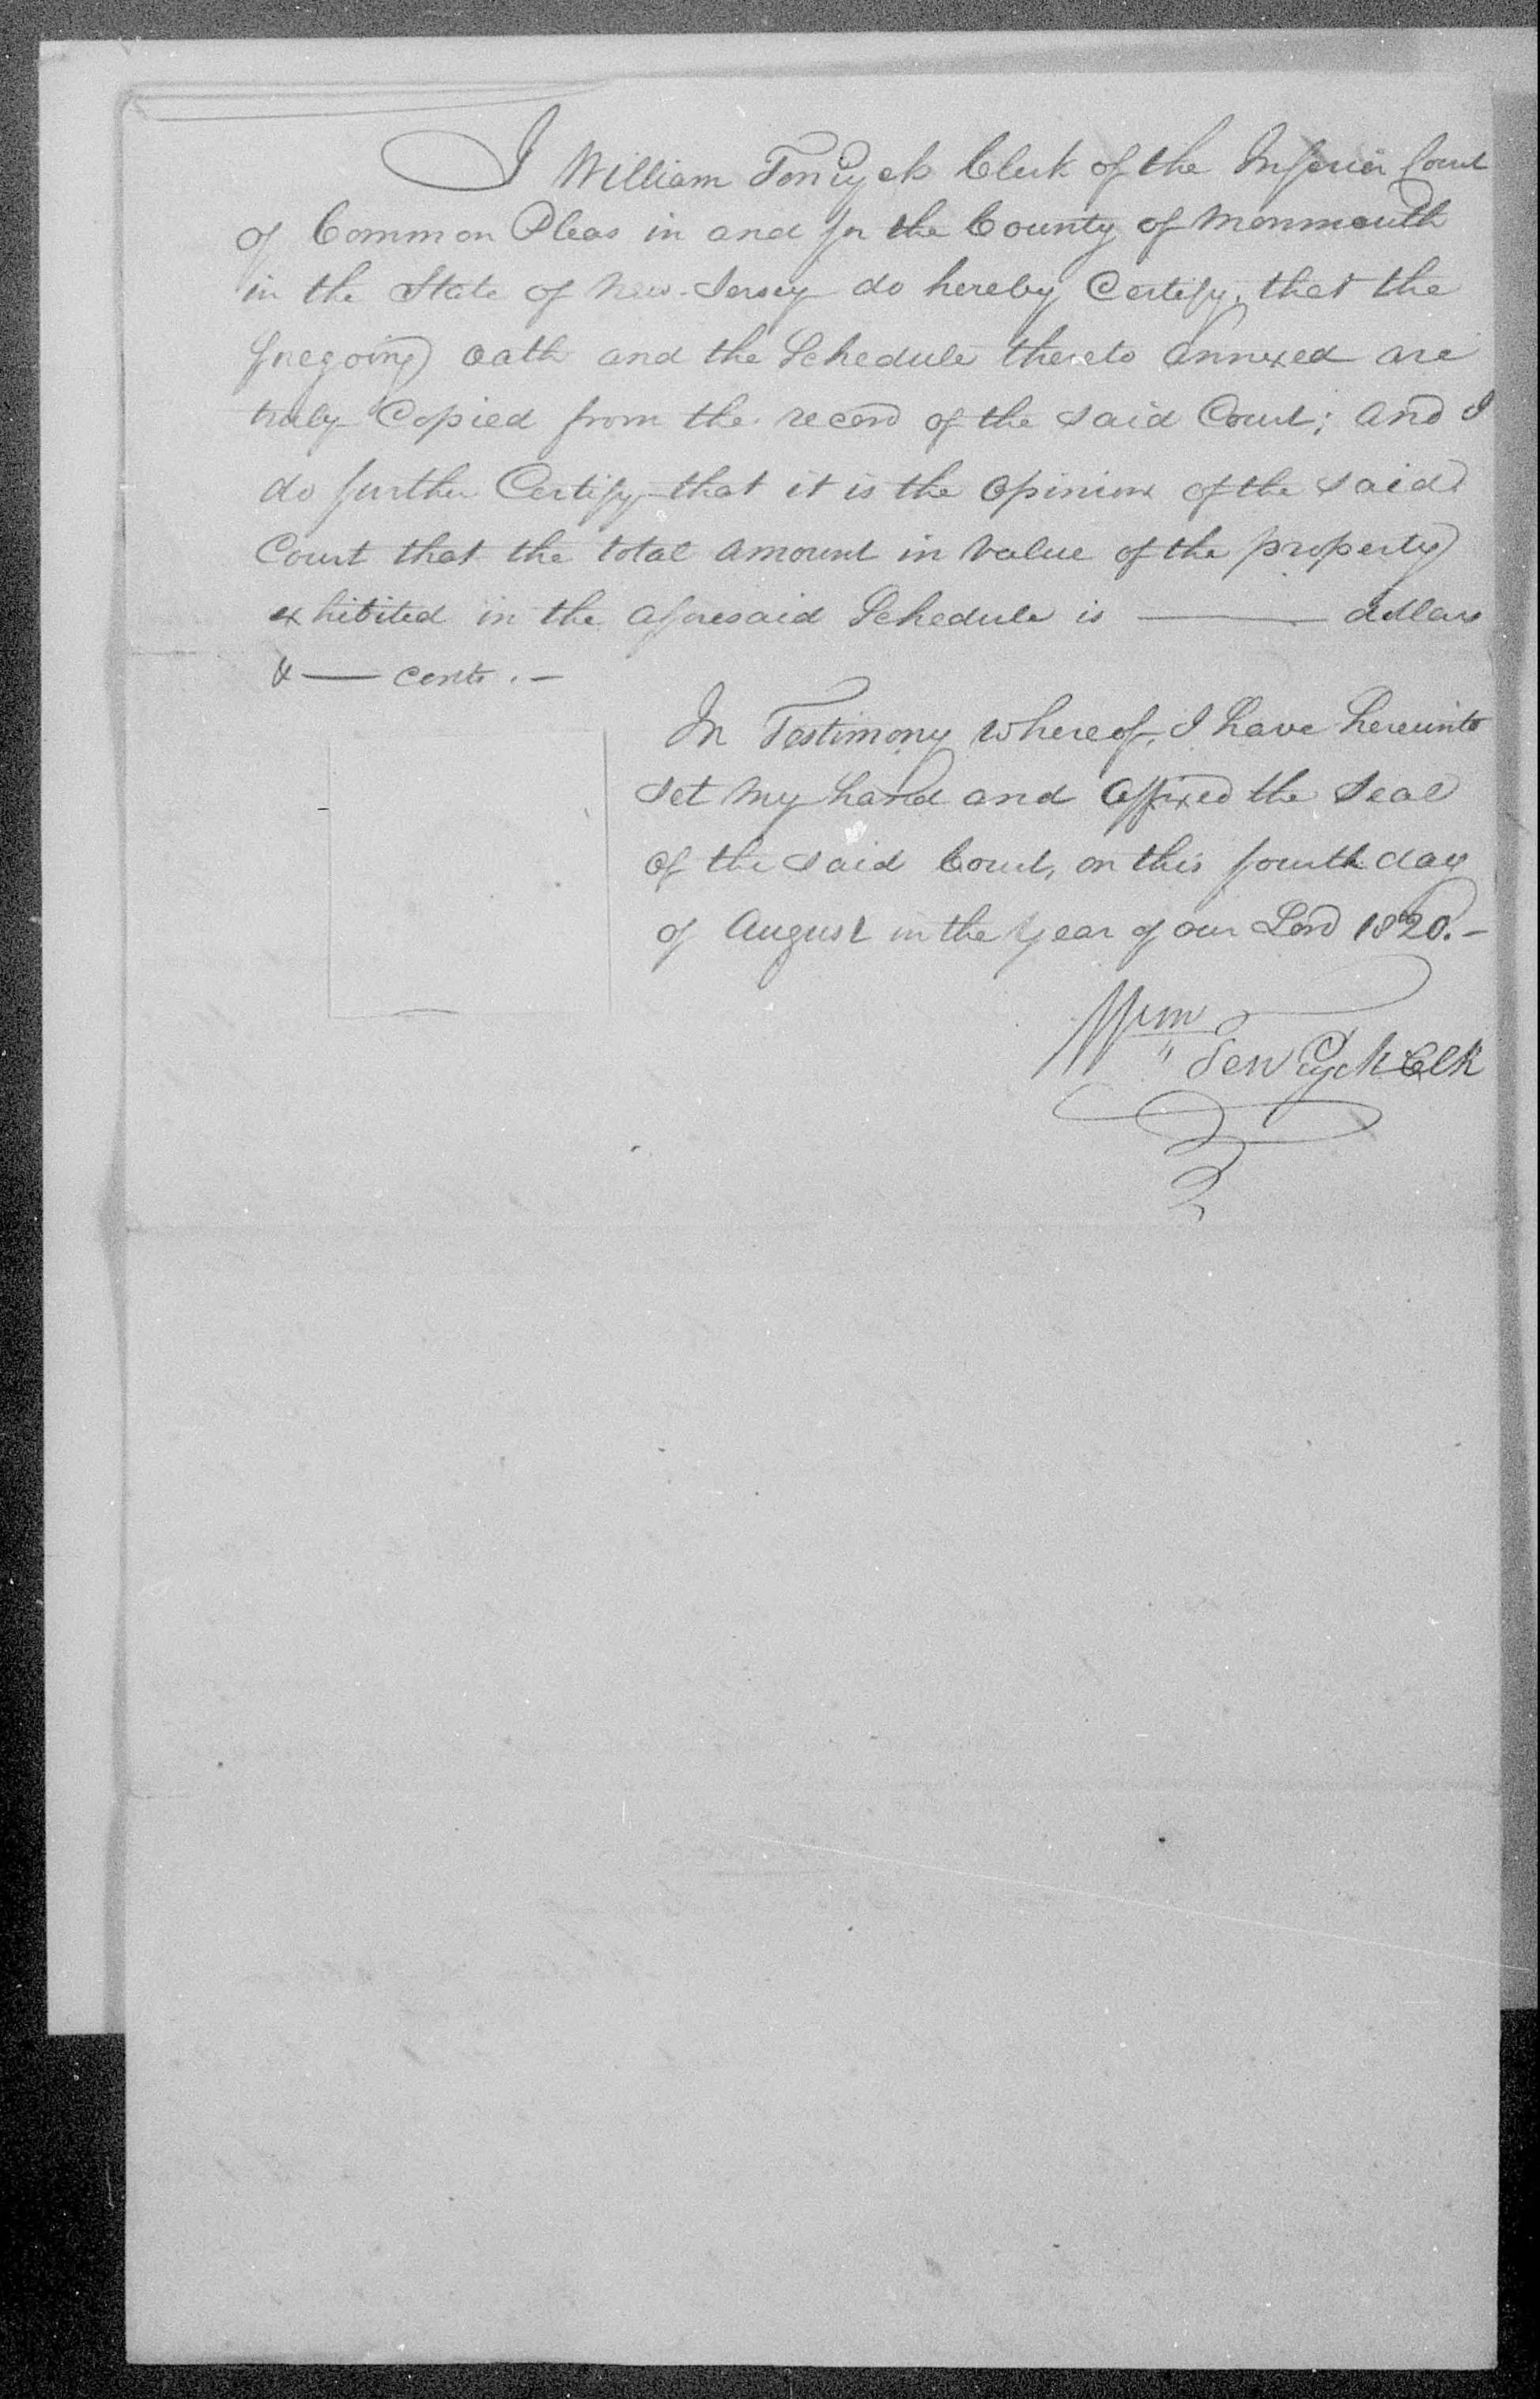I William [?] Clerk of the Inferior Court
of Common Pleas in and for the County of Monmouth
in the State of New Jersey do hereby certify that the
foregoing oath and the Schedule thereto annexed are
truly copied from the record of the said Court; and I
do further Certify that it is the opinion of the said
Court that the total amount in value of the property
exhibited in the aforesaid Schedule is _____ dollars & _______ cents.-


[seal]

In Testimony whereof, I have hereunto
set my hand and affixed the seal
of the said Court, on this fourth day
of August in the year of our Lord 1820

                              Wm [?] Clk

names: William Ten Eyck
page: 9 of 12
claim: survivor's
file: S. 34,471, for Abraham Peterson, New Jersey